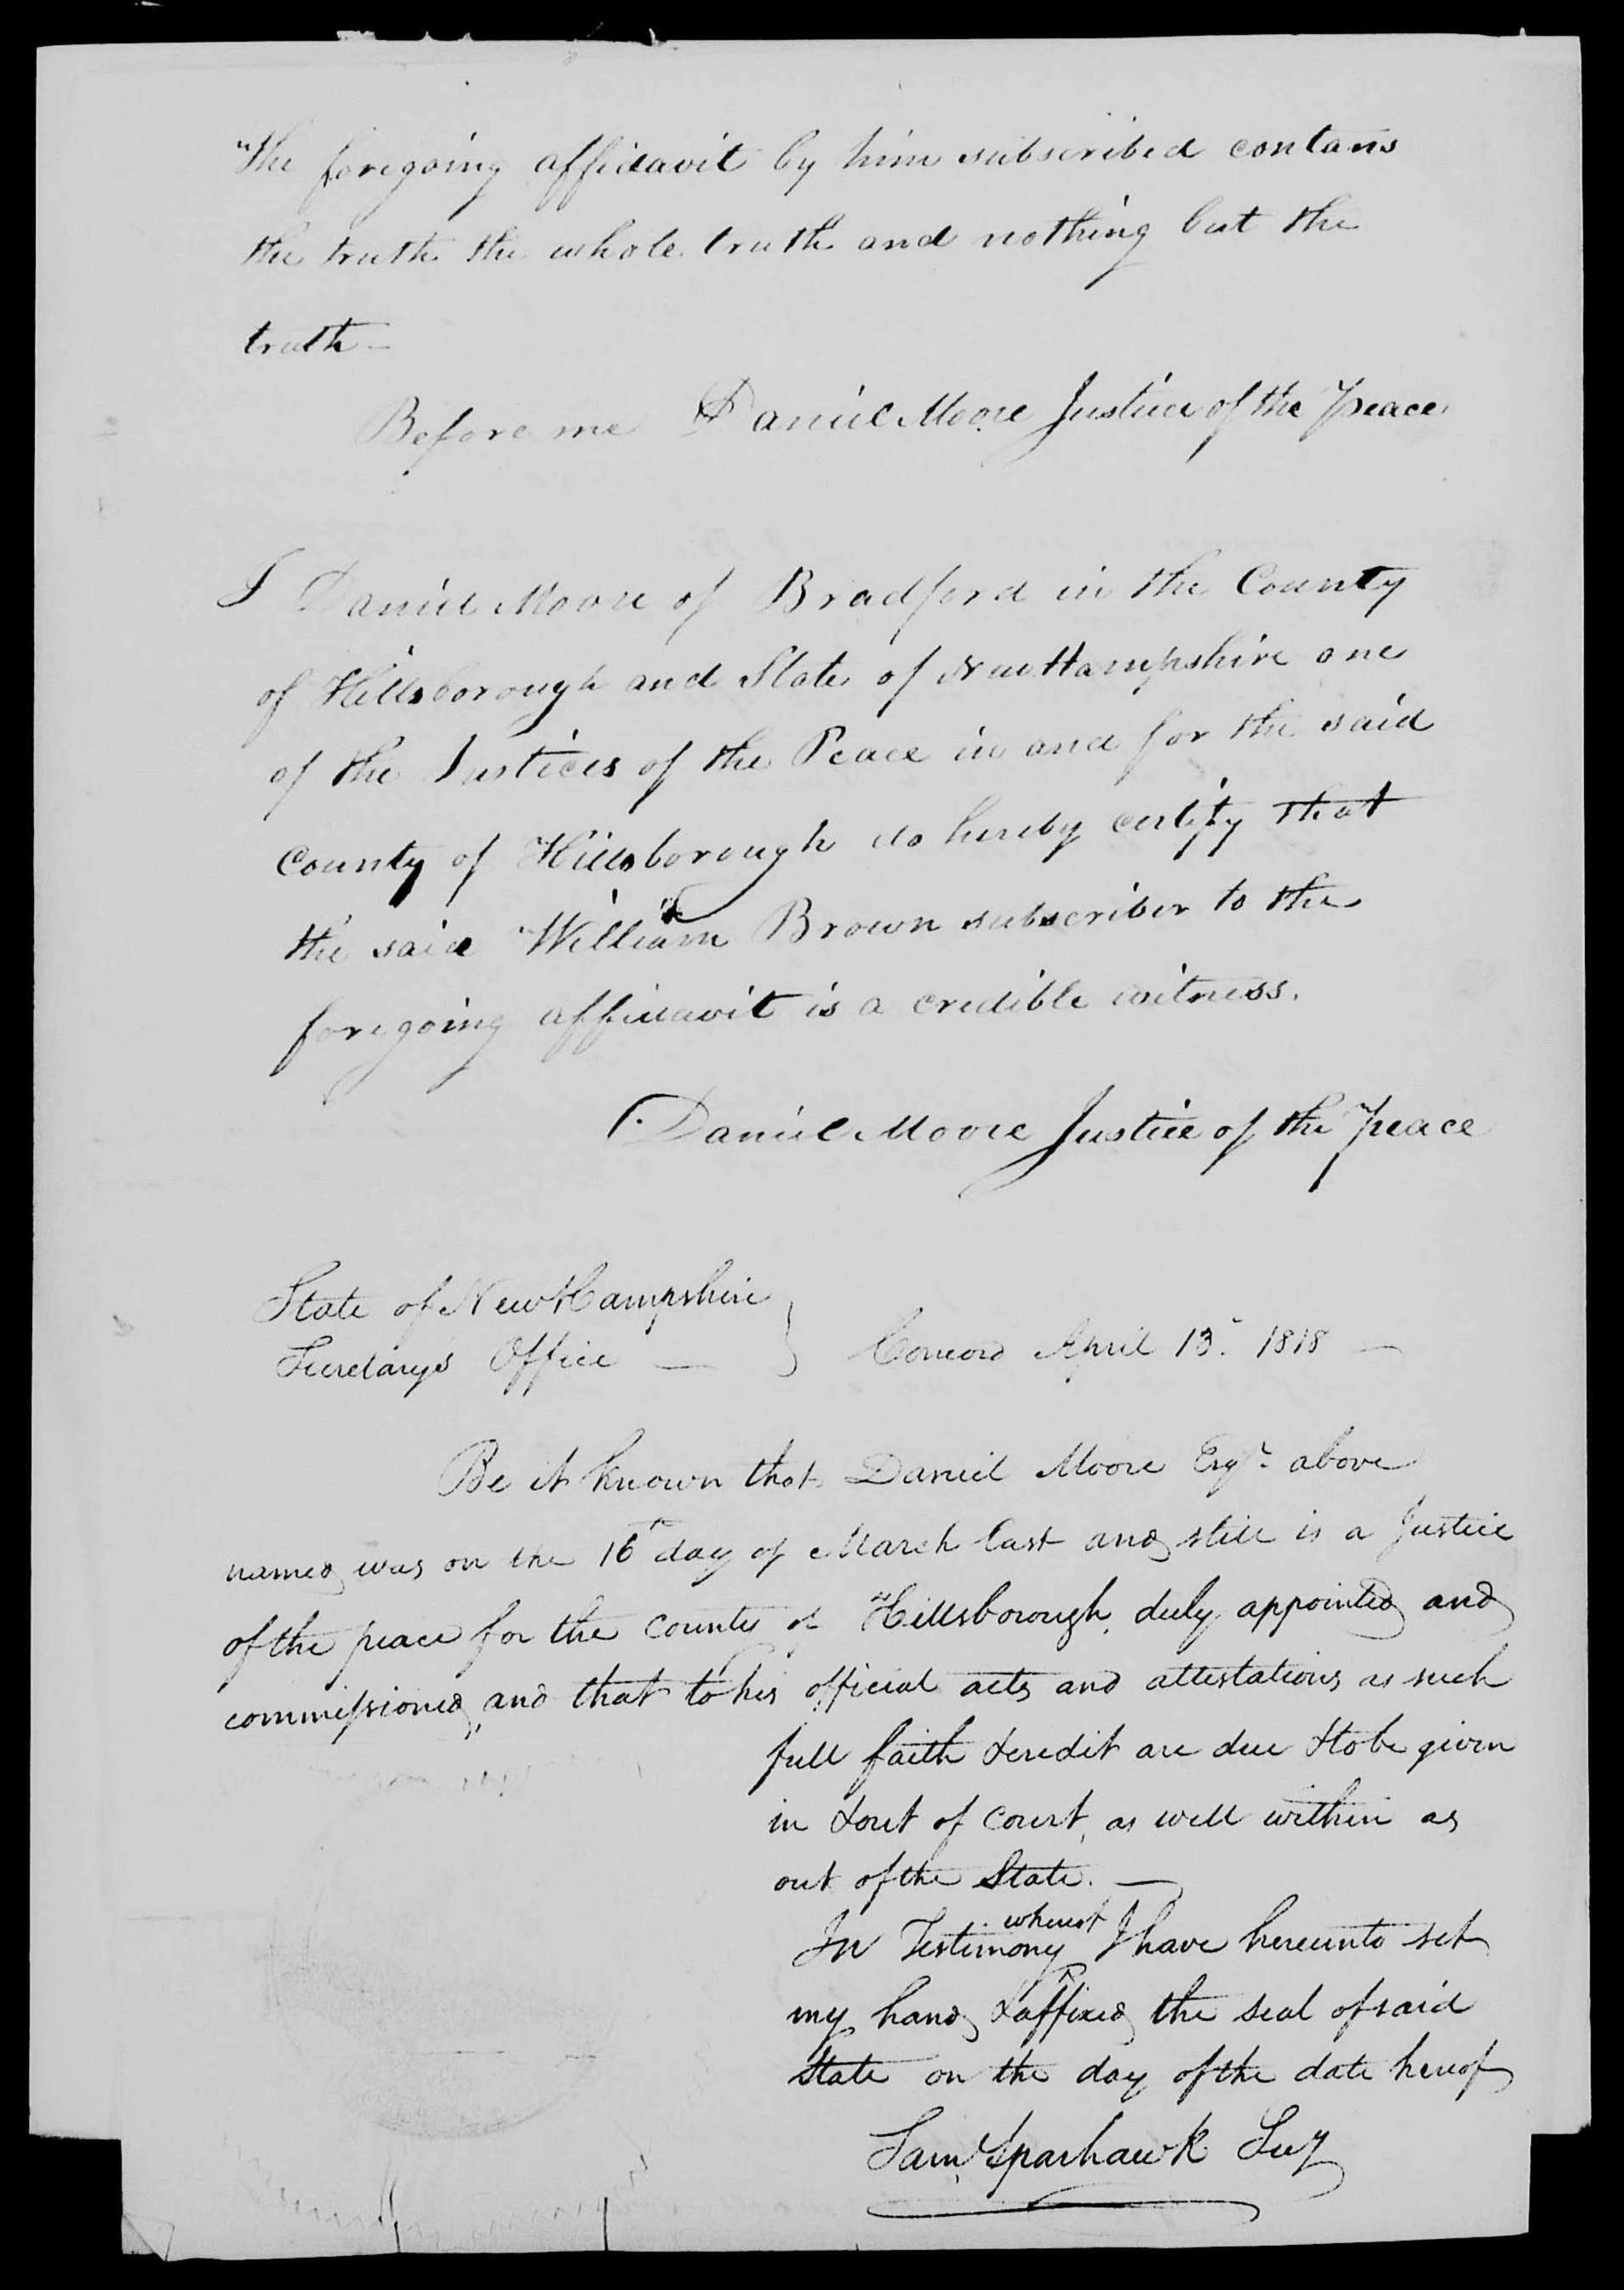The foregoing affidavit by him subscribed contains 
the truth the whole truth and nothing but the 
truth.
Before me Daniel Moore Justice of the peace

I Daniel Moore of Bradford in the County 
of Hillsborough and State of New Hampshire one 
of the Justices of the peace in and for the said 
County of Hillsborough do hereby certify that 
the said William Brown subscriber to the 
foregoing affidavit is a credible witness.
Daniel Moore Justice of the peace

State of New Hampshire }
Secretary's Office } Concord April 13" 1818

Be it known that Daniel Moore Esqr. above 
named was on the 16" day of March last and still is a Justice 
of the peace for the County of Hillsborough duly appointed and 
commissioned and that to his official acts, and attestations, as such 
full faith and credit are due to be given 
in & out of Court, as well within as 
out of the State.
[Blurred seal of State] In Testimony whereof I have hereunto set 
my hand & affixed the seal of said 
State on the day of the date hereof
Saml Sparhawk Secty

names: William Brown, Daniel Moore, Daniel Moore, Daniel Moore, Daniel Moore, Saml Sparhawk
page: 12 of 17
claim: survivor's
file: S 41436, Aaron Bixby, N.H.